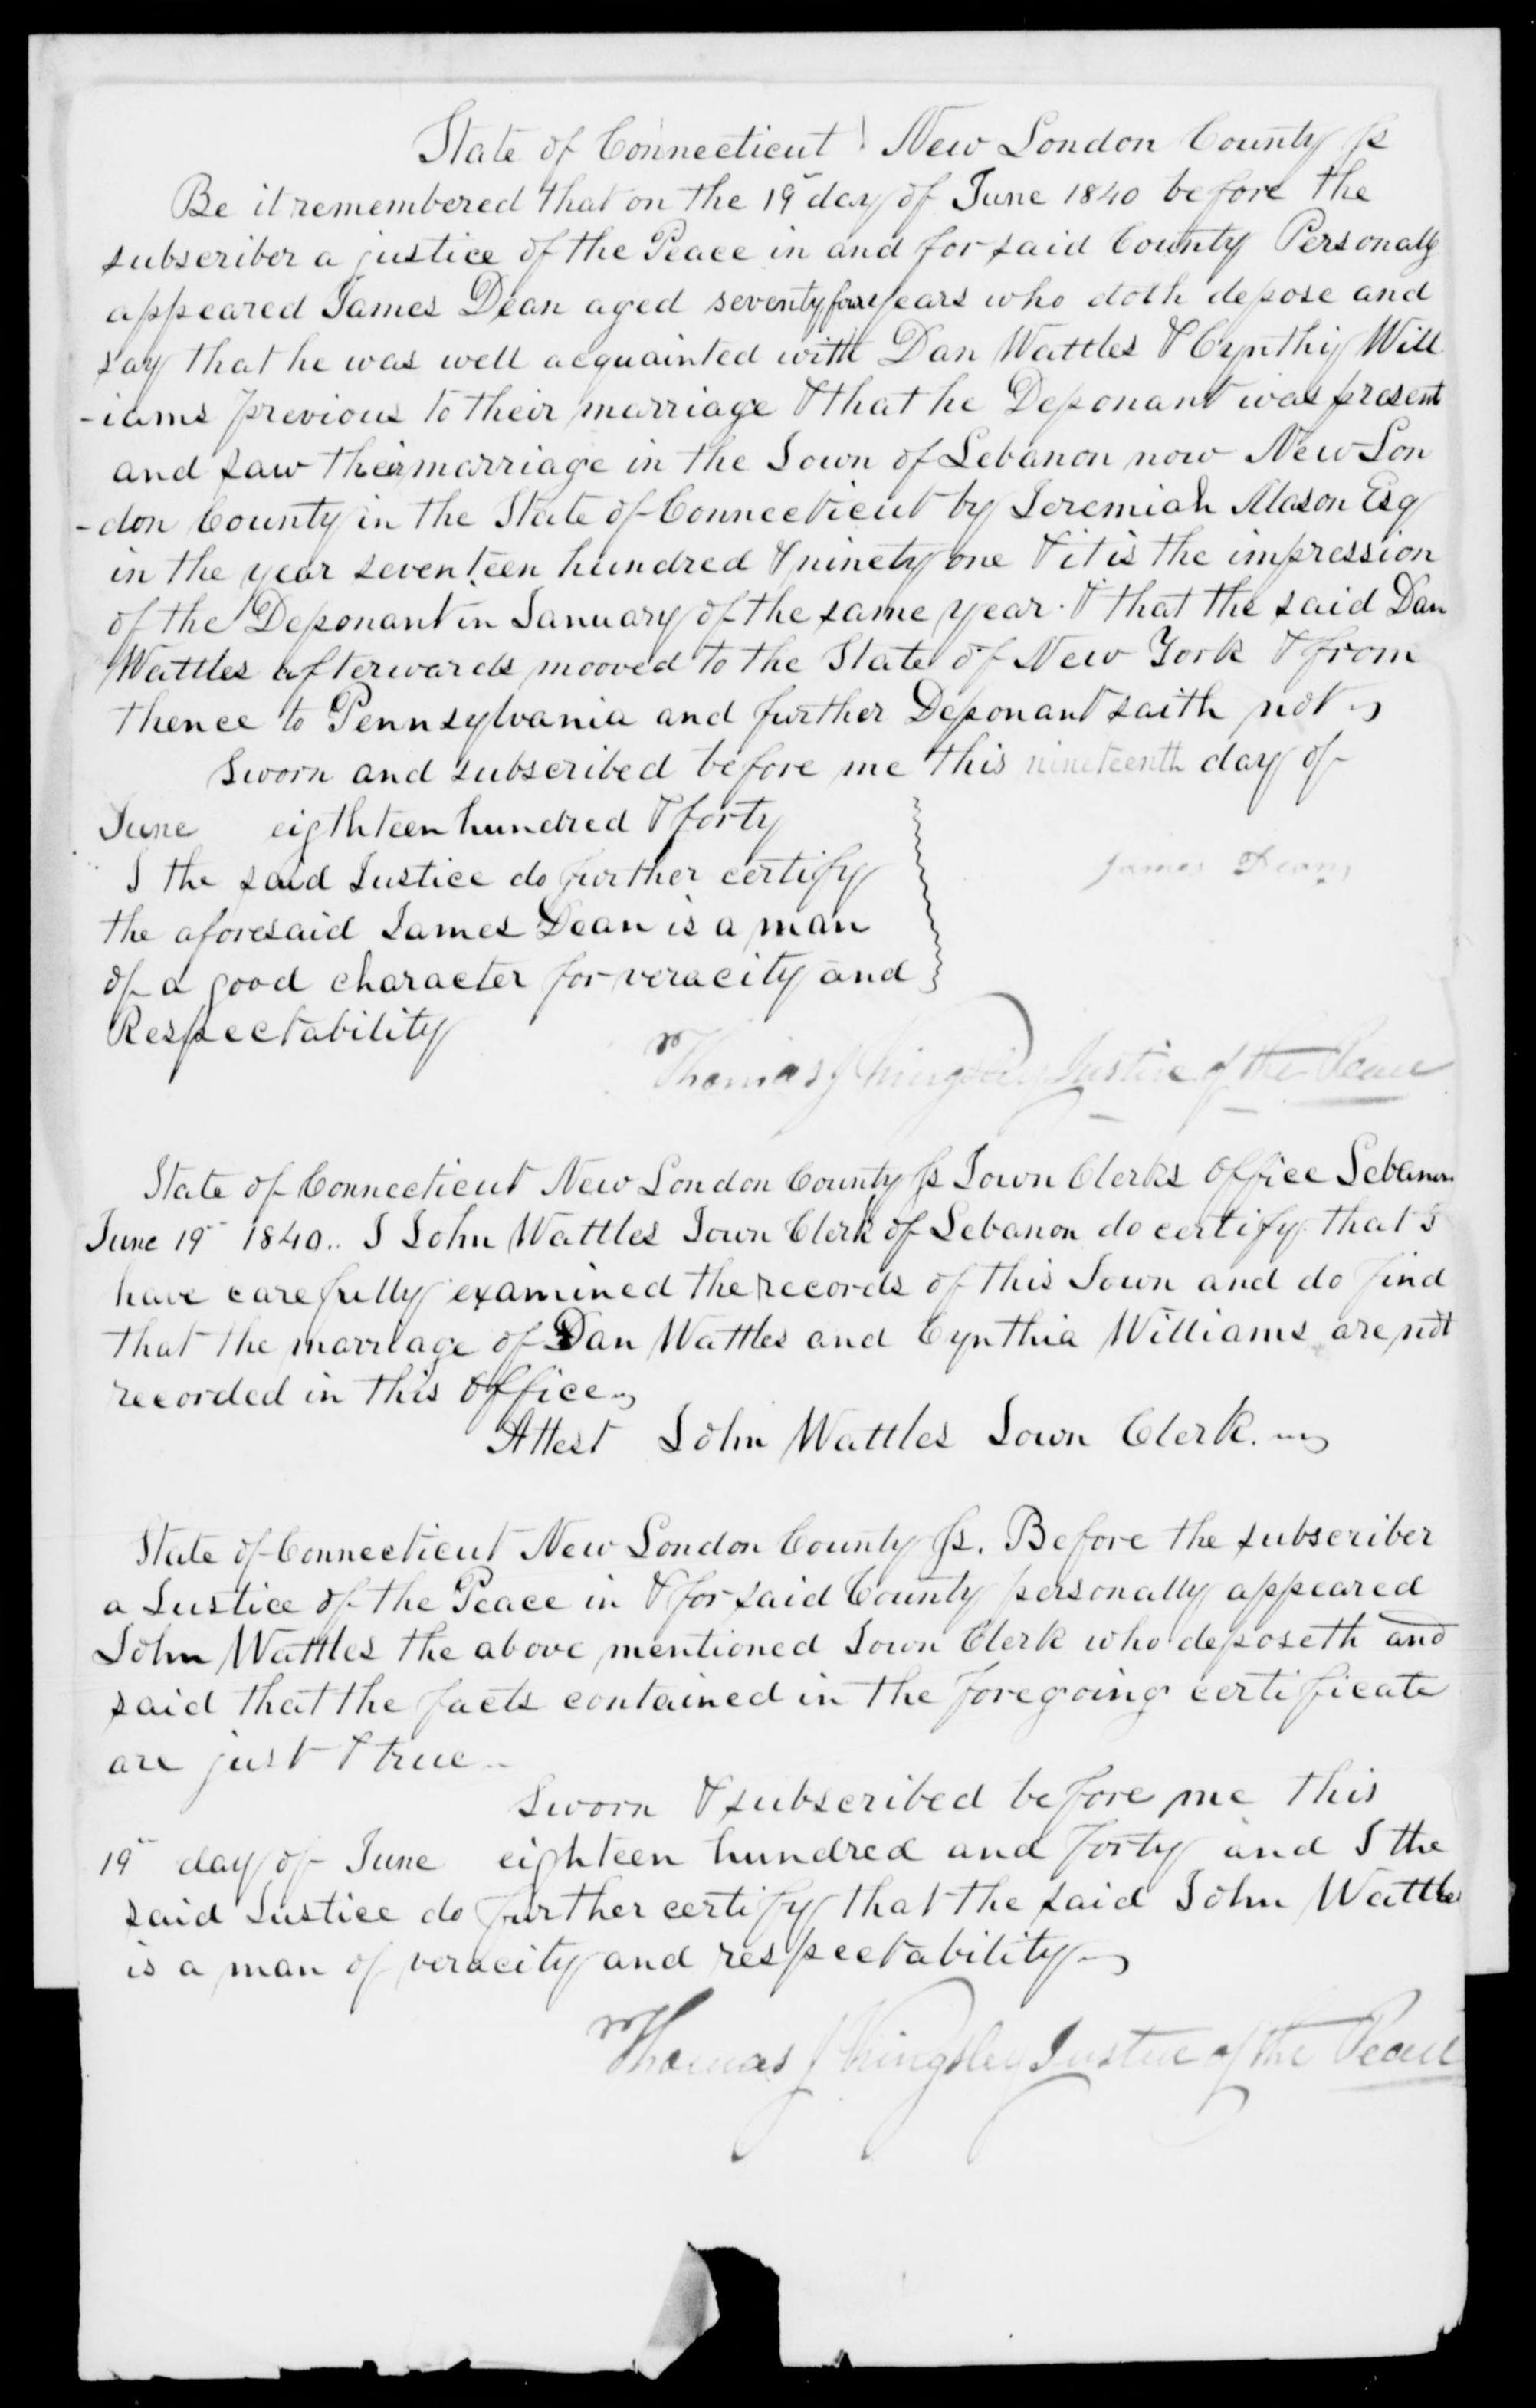State of Connecticut. New London County Ss
Be it remembered that on the 19th day of June 1840 before the subscriber a justice of the Peace in and for said County Personally appeared James Dean aged seventy four years who doth depose and say that he was well acquainted with Dan Wattles & Cynthy Williams previous to their marriage & that he Deponent was present and saw their marriage in the Town of Lebanon now New London County in the State of Connecticut by Jeremiah Mason Esq in the year seventeen hundred & ninety one & it is the impression of the Deponent in January of the same year & that the said Dan Wattles afterwards moved to the State of New York & from thence to Pennsylvania and further Deponent saith not
James Dean

Sworn and subscribed before me this nineteenth day of June eighteen hundred forty I the said Justice do further certify the aforesaid James Dean is a man of a good character for veracity and Respectability
Thomas J Kingsley Justice of the Peace

State of Connecticut New London County ss Town Clerks Office Lebanon
June 19th 1840 I John Wattles Town Clerk of Lebanon do certify that I have carefully examined the records of this Town and do find that the marriage of Dan Wattles and Cynthia Williams are not recorded in this office
Attest John Wattles Town Clerk.

State of Connecticut New London County ss. Before the subscriber a Justice of the Peace in & for said County personally appeared John Wattles the above mentioned Town Clerk who deposeth and said that the facts contained in the foregoing certificate are just & true

Sworn & subscribed before me this 19th day of June eighteen hundred and forty and I the said Justice do further certify that the said John Wattles is a man of veracity and respectability.
Thomas J Kingsley Justice of the Peace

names: John Wattles, Thomas J Kingsley, Jeremiah Mason, James Dean, Dan Wattles, Cynthy Williams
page: 14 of 70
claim: widow's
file: W. 3743, Dan Wattles, Conn.